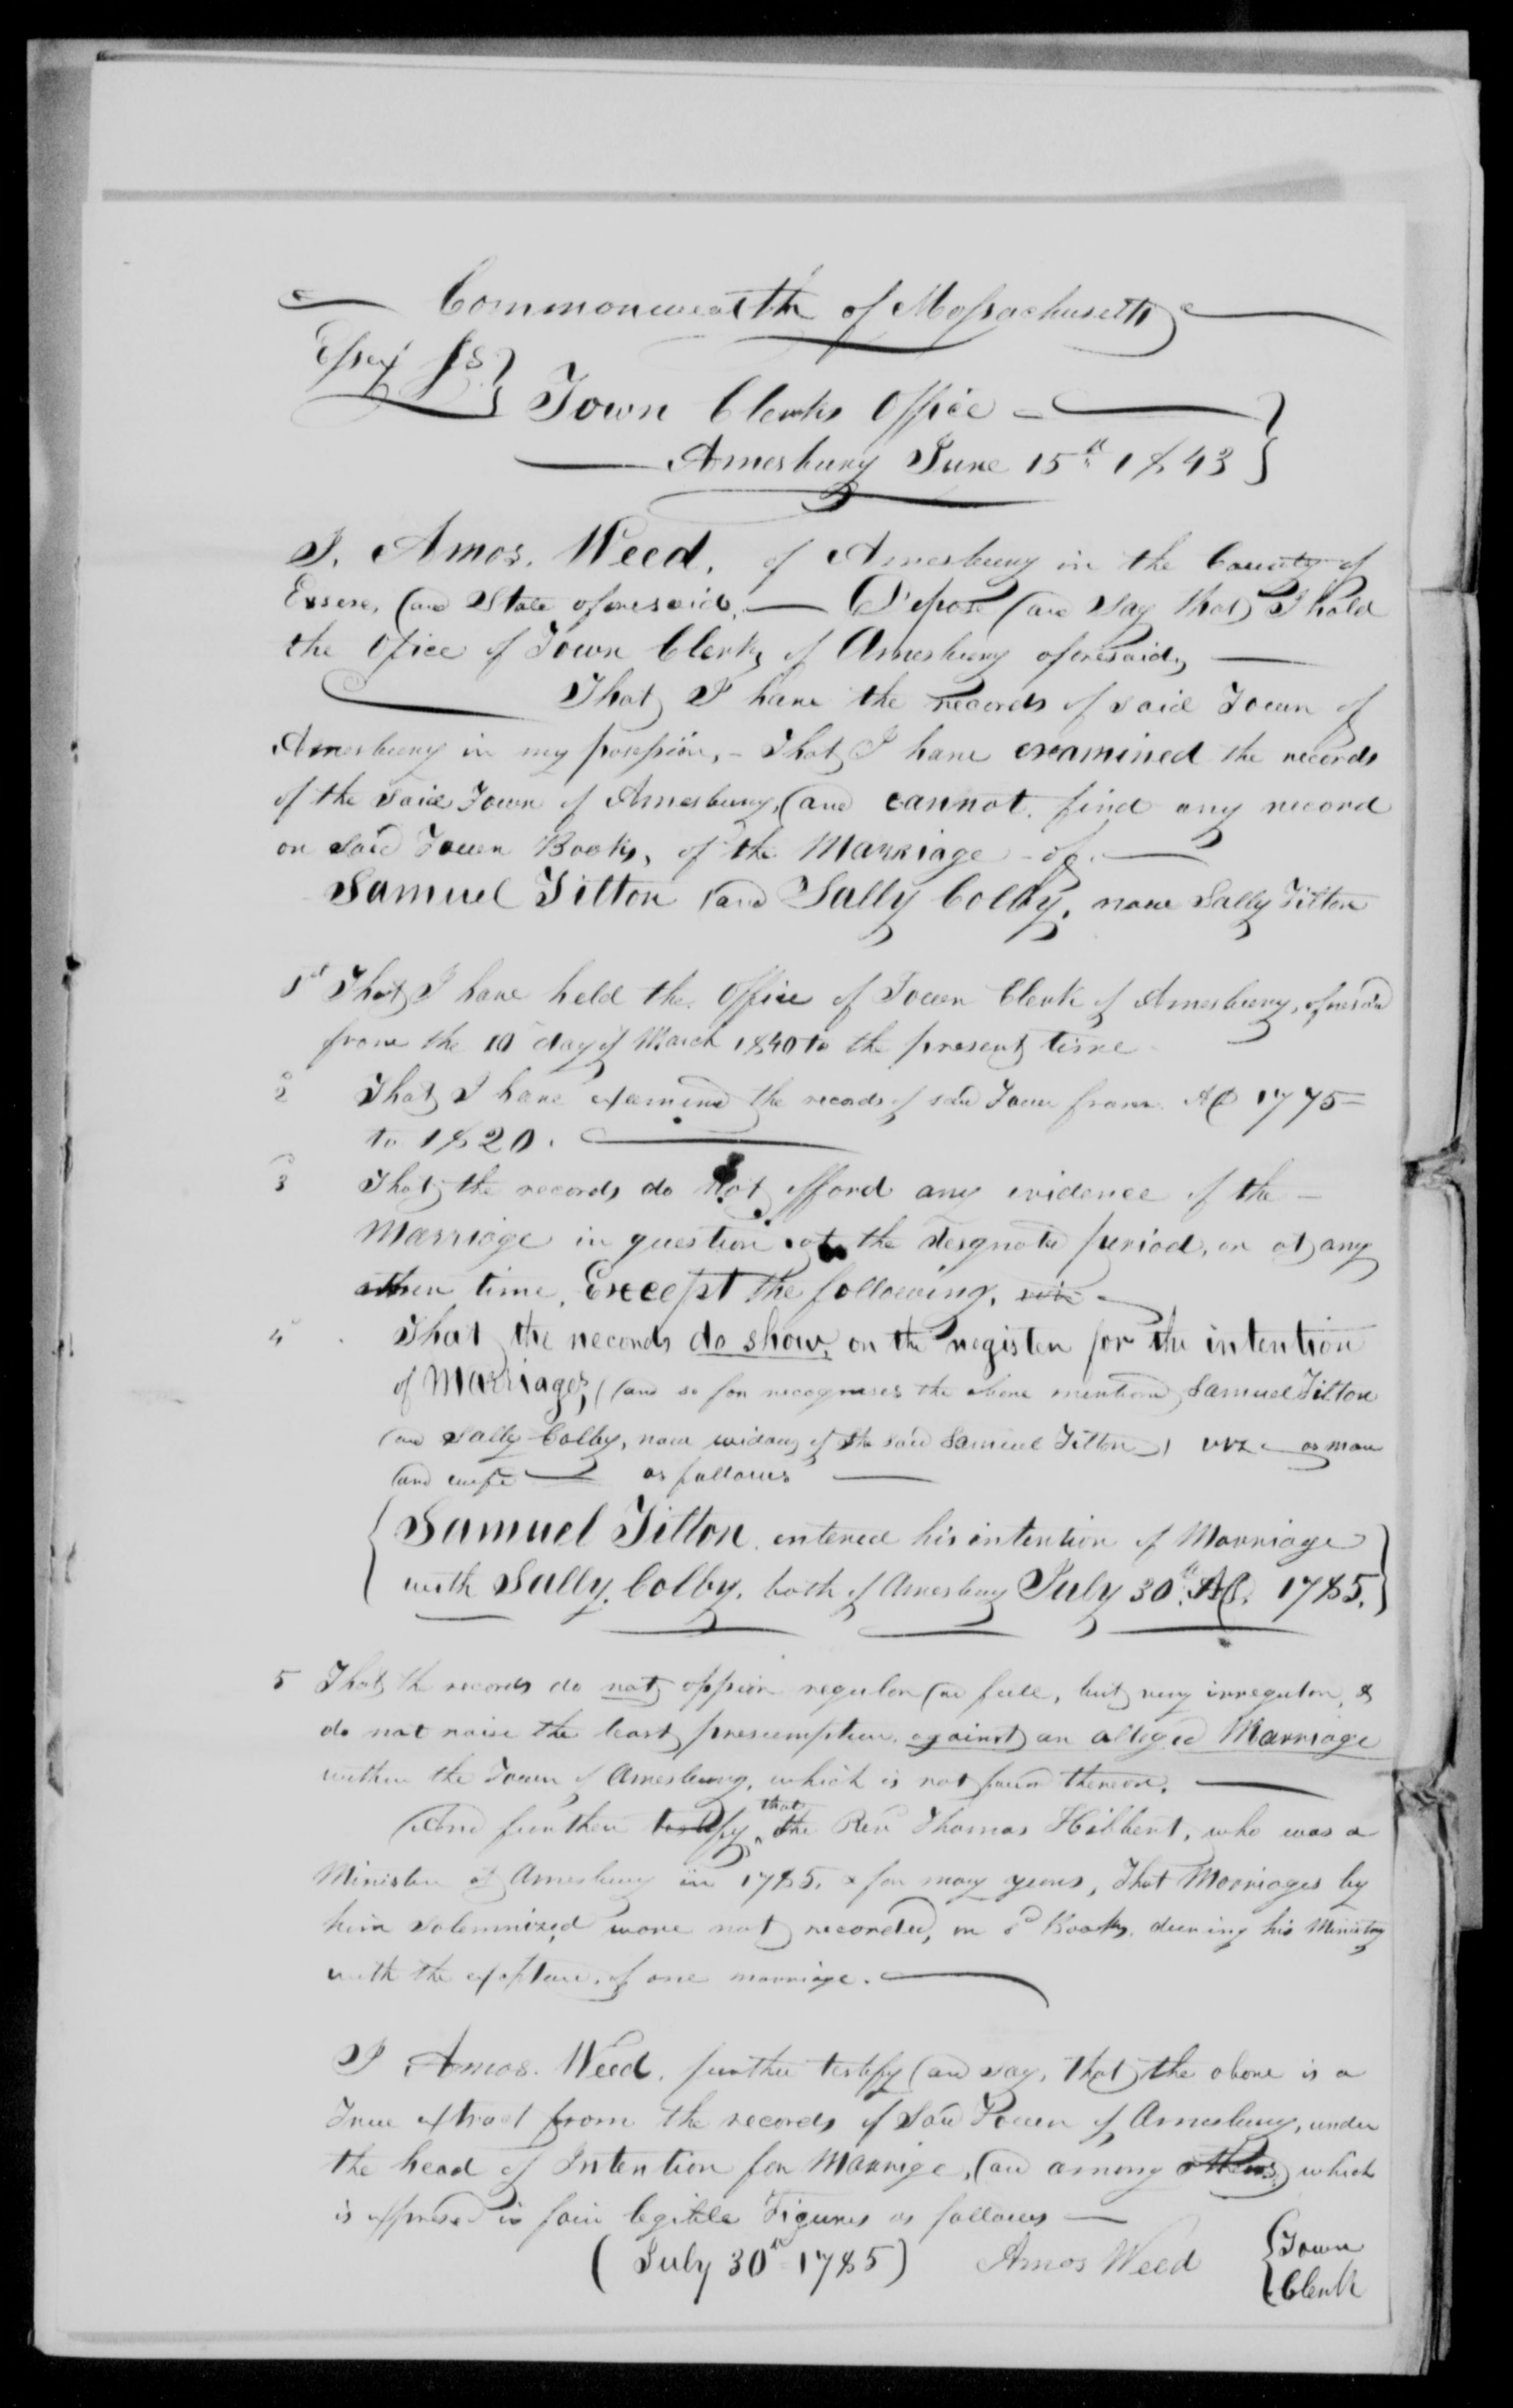Commonwealth of Massachusetts-
Essex SS
Town Clerks Office
Amesbury June 15th 1843
I, Amos Weed of Amesbury in the County of Essex and State aforesaid Depose and say that I hold the Office of Town Clerk of Amesbury aforesaid
That I have the records of said Town of Albany in my possession, that I have examined the records of the said Town of Amesbury, and cannot find any record on said Town Books, of the Marriage of Samuel Tilton and Sally Colby, now Sally Tilton

1st That I have held the office of Town Clerk of Amesbury, aforesaid from the 10 day of March 1840 to the present time
2d That I have examine the records of said Town from AD 1775 to 1820.
3d That the records do not afford any evidence of the
Marriage in question the designated period, or at any
other time, Except the following,
4th That the records do show, on the register for the intention of Marriage (and so far recognises the one mentioned) Samuel Tilton and Sally Colby, now widow of the said Samuel Tilton, viz, as man and wife as follows -
Samuel Tilton entered his intention of Marriage
with Sally Colby, both of Amesbury July 30th AD. 1785.
5 That the records do not appear regular and full, but very irregular, and do not raise the least presumption, against an alleged Marriage within the Town of Amesbury, which is not found thereon.-
And further that the Rev Thomas Hibbert, who was a
Minister at Amesbury in 1785, and for many years, That Marriages by him solemnized were not recorded in sd [Said] Book, during his Ministry with the exception of one marriage.-
I Amos Weed further testify and say, that the above is a
true extract from the records of Said Town of Amesbury, under the head of Intention for Marriage, and among others which is expressed in fair legible Figures as follows -
(July 30th 1785)
Amos Weed
Town Clerk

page: 16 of 55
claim: widow's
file: W. 14,021, for Samuel Tilton, New Hampshire